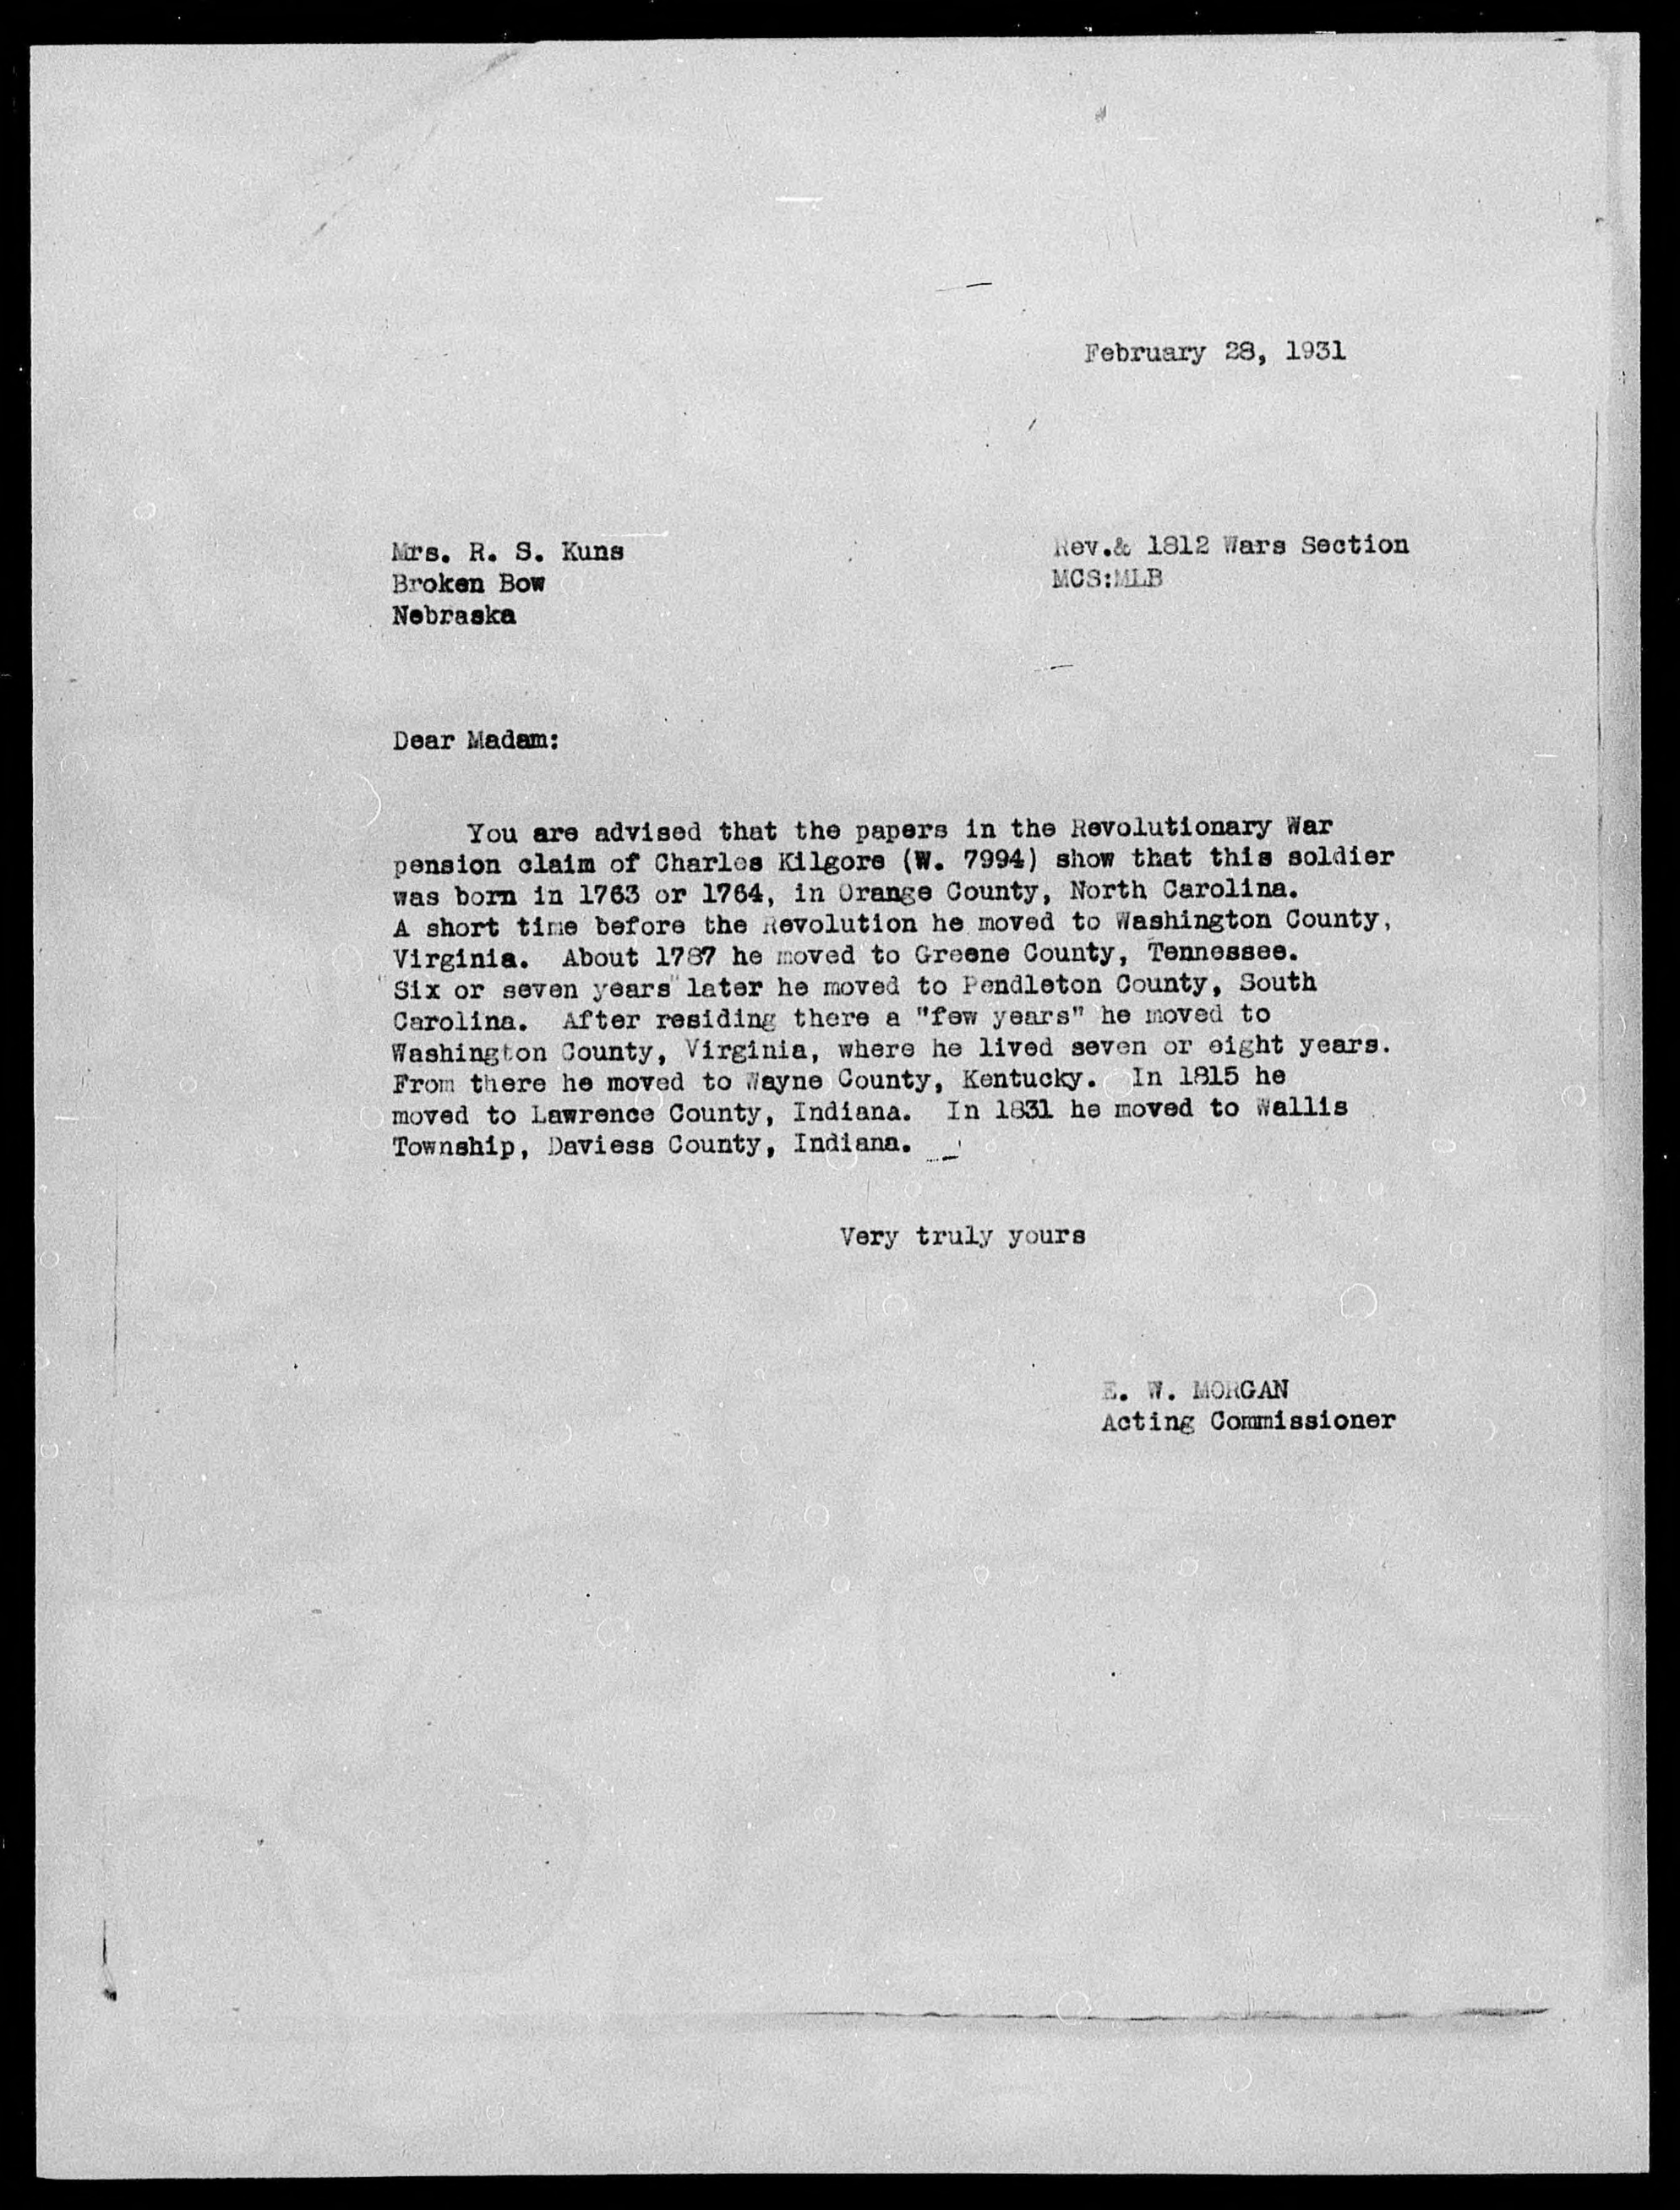February 28, 1931
Rev.& 1812 Wars Section
MCS:MLB

Mrs. R. S. Kuns
Broken Bow
Nebraska

Dear Madam:
You are advised that the papers in the Revolutionary War pension claim of Charles Kilgore (W. 7994) show that this soldier was born in 1763 or 1764, in Orange County, North Carolina. A short time before the Revolution he moved to Washington County, Virginia. About 1787 he moved to Greene County, Tennessee. Six or seven years later he moved to Pendleton County, South Carolina. After residing there a "few years" he moved to Washington County, Virginia, where he lived seven or eight years. From there he moved to Wayne County, Kentucky. In 1815 he moved to Lawrence County, Indiana. In 1831 he moved to Wallis Township, Daviess County, Indiana.
Very truly yours
E. W. MORGAN
Acting Commissioner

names: E W Morgan; R S Kuns; Charles Kilgore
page: 23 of 115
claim: survivor's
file: S. 699, for Charles Kilgore, Virginia